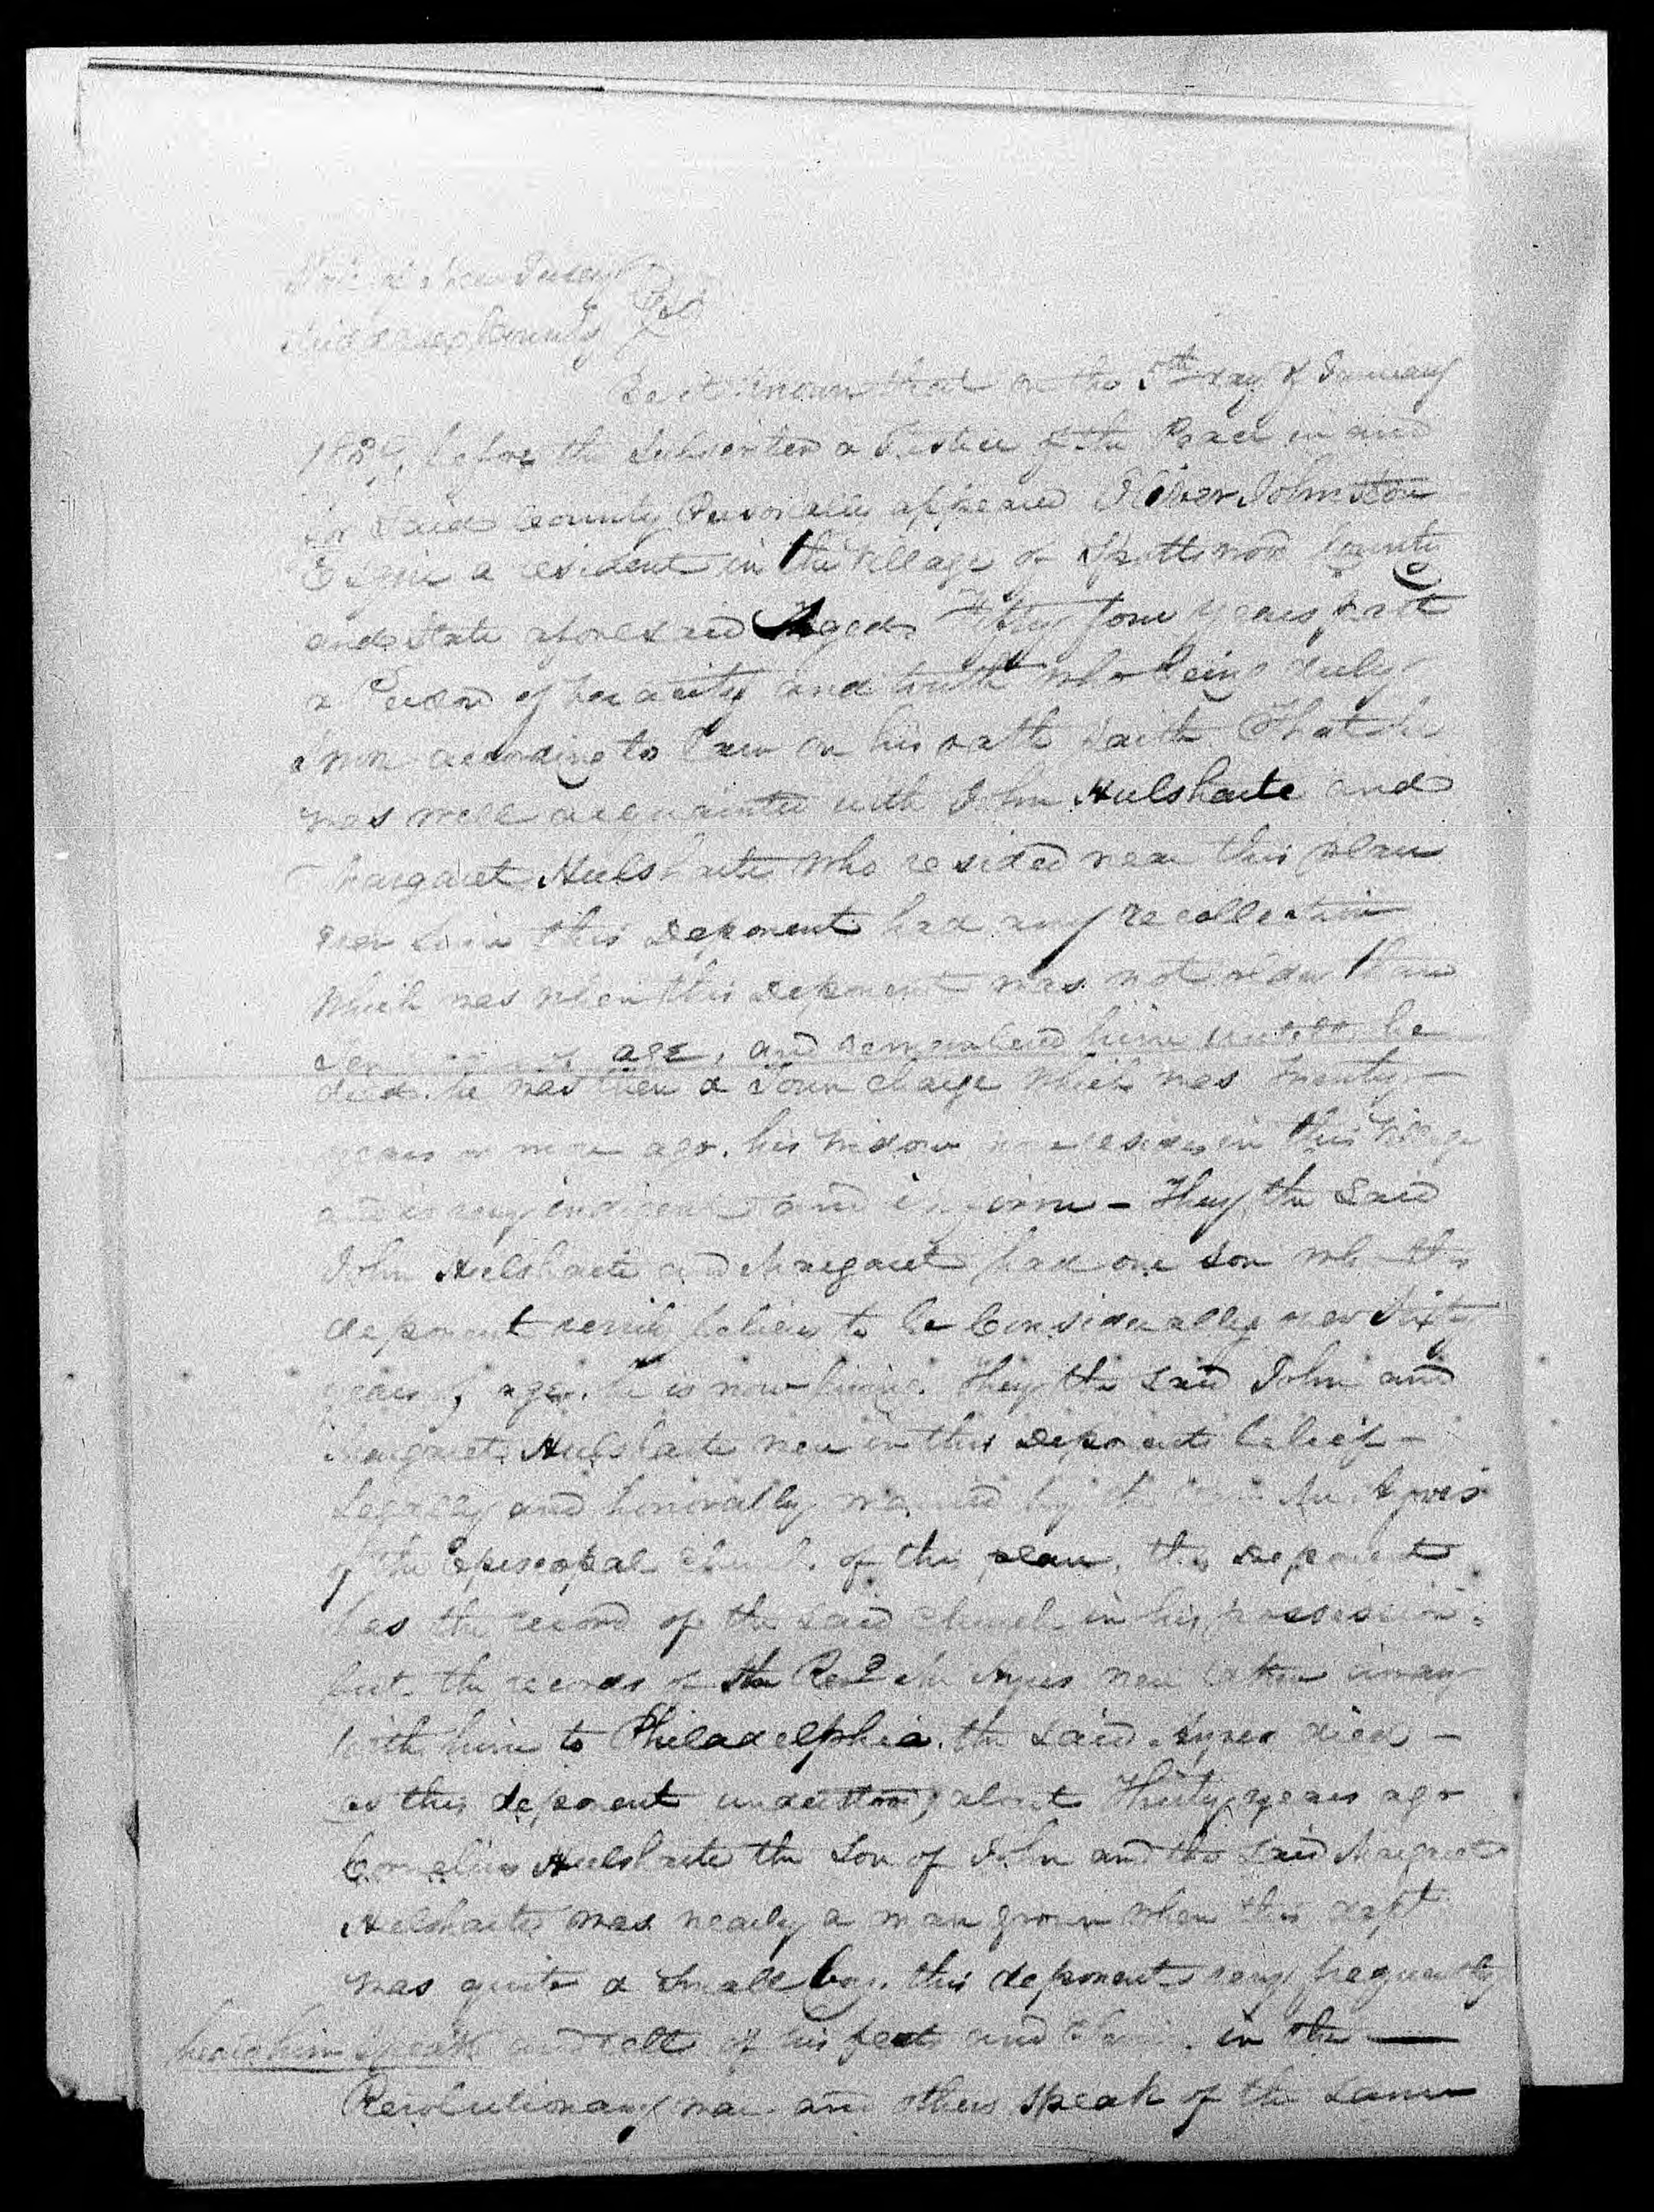State of New Jersey
Middlesex County } SS
Be it known that on the 5th day of January 1839
before the Subscriberd a Justice of the Peace in and for said County Personally appeared Oliver Johnston a resident in the Village of Spottswood County and State aforesaid Aged Fifty four years past a Person of veracity and truth who being duly sworn according to law on his oath saith that he was well acquainted with John Hulshart and Margaret Hulshart who resided near this place near him this deponent had any recollection which was when this deponent was not older than ten years of age, and remembered him untill he died.  he new [knew] them &  town change which was twenty years or more ago. his widow now resides in this village and is very indigent and infirm. They the said John Hulshart and Margaret had one son who this deponent verily believes to be considerably near Sixty years of age.  he is now living, they the said John and Margaret 
Hulshart were in this deponents belief- 
legally and honorably married by the Revd [Reverend] An Ayres of the Episcopal Court of this place, the deponent has the record of the said church in his possession but the records of the Revd Mr Ayres were taken away with him to as this deponent understood about thirty years ago
Cornelius Hulshart the Son of John and the said
Margaret Hulshart was nearly a man from when this dept was quite a small boy.  this deponent says frequently heard him speak and tell of his feats and [illegible] in the Revolutionary War and others speak of the same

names: John Hulsharte, Ayres, Oliver Johnston, Margaret Hulsharte, Cornelius Hulsharte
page: 31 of 34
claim: widow's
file: W. 940, John Hulshart, New Jersey